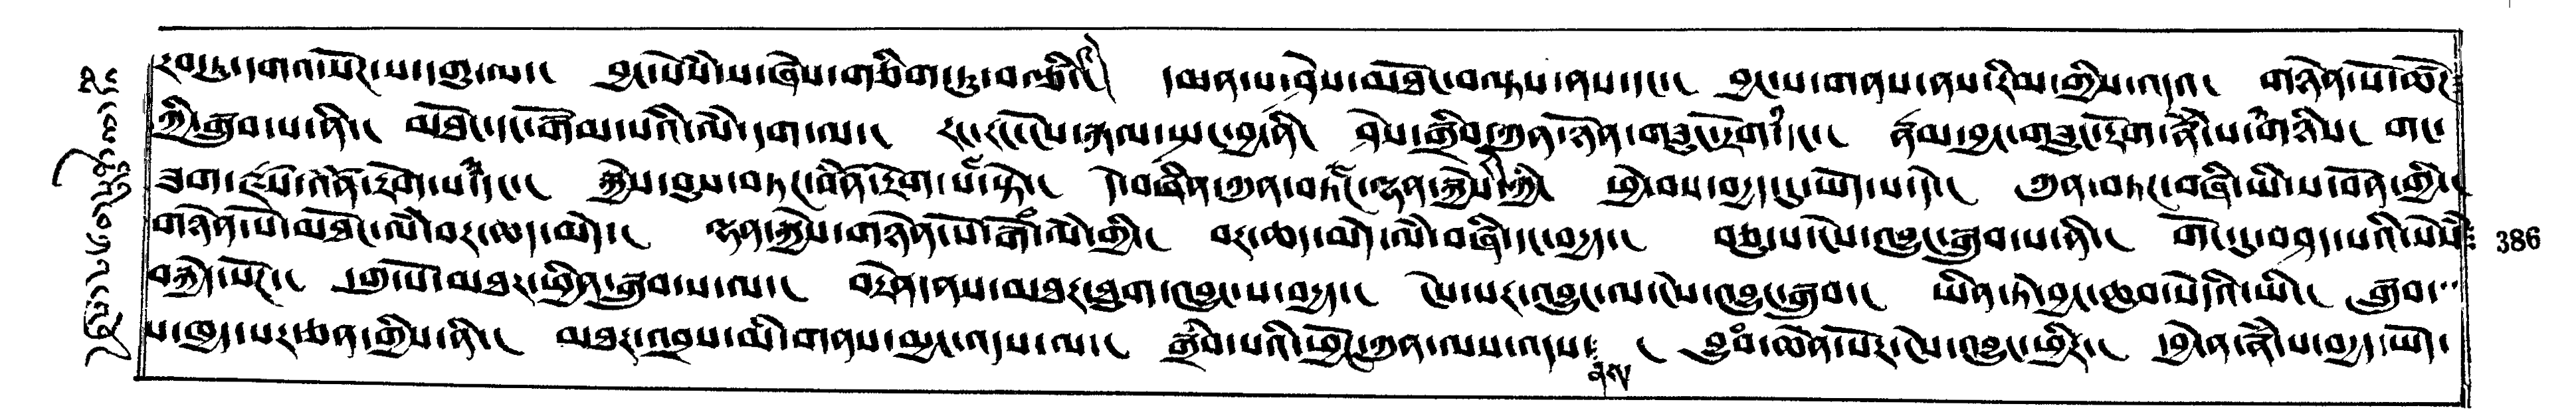རབ་ཏུ་དགའ་སོགས་ས་དགུ་ལ། །བྱང་སེམས་ས་ཞེས་གཅིག་ཏུ་བརྩི། །དམན་པ་ཤེས་མཐོང་བལྟས་ནས་དང་། །བྱང་ས་གནས་ནས་རིམ་གྱིས་འདའ། །གཉེན་པོ་ཚོགས་
ཀྱི་སྒྲུབ་པ་ནི། །མཐོང་དང་སྒོམ་པའི་ལམ་དག་ལ། །རང་རང་ངོ་སྐལ་སྤང་བྱ་ནི། །ཤེས་སྒྲིབ་ཀུན་ཉོན་གཟུང་རྟོག་དང་། །རྣམ་བྱང་གཟུང་རྟོག་རྣམ་པ་གཉིས། །གང་
ཟག་རྫས་འཛིན་རྟོག་པ་དང་། །སྐྱེས་བུ་བཏགས་འཛིན་རྟོག་པ་སྟེ། །དེ་བཞིན་ཀུན་བཏགས་ལྷན་སྐྱེས་ཀྱི། །ཕྱེ་བས་བརྒྱད་དུ་ཡོད་པ་དེ། །ཀུན་བཏགས་བཞི་ཡི་ས་བོན་གྱི། །
གཉེན་པོ་མཐོང་ལམ་བར་ཆད་མེད། །ལྷན་སྐྱེས་གཉེན་པོ་སྒོམ་ལམ་གྱི། །བར་ཆད་མེད་ལམ་བཞི་དང་བརྒྱད། །བཅུ་པ་ངེས་འབྱུང་སྒྲུབ་པ་ནི། །གོང་དུ་བཤད་པའི་སེམས་
བསྐྱེད་སོགས། །དགུ་པོ་མཐར་ཕྱིན་སྒྲུབ་པ་ལ། །བརྟེན་ནས་མཐར་ཐུག་འབྱུང་ས་བརྒྱད། །ངེས་པར་འབྱུང་ལ་ངེས་འབྱུང་སྒྲུབ། །ཡིན་ཏེ་བྱང་ཆུབ་སེམས་དཔའ་ཡི། །སྒྲུབ་
པ་ཁྱད་པར་ཅན་གྱིས་ནི། །མཐར་འབྲས་མི་གནས་མྱང་འདས་ལ། །སྒྲིབ་པའི་ཕྱོགས་ཀུན་ལས་འདས་ནས། །བྱང་ཆུབ་ཆེན་པོར་ངེས་འབྱུང་ཕྱིར། །དབྱེ་ན་རྣམ་པ་བརྒྱད་ཡོད་